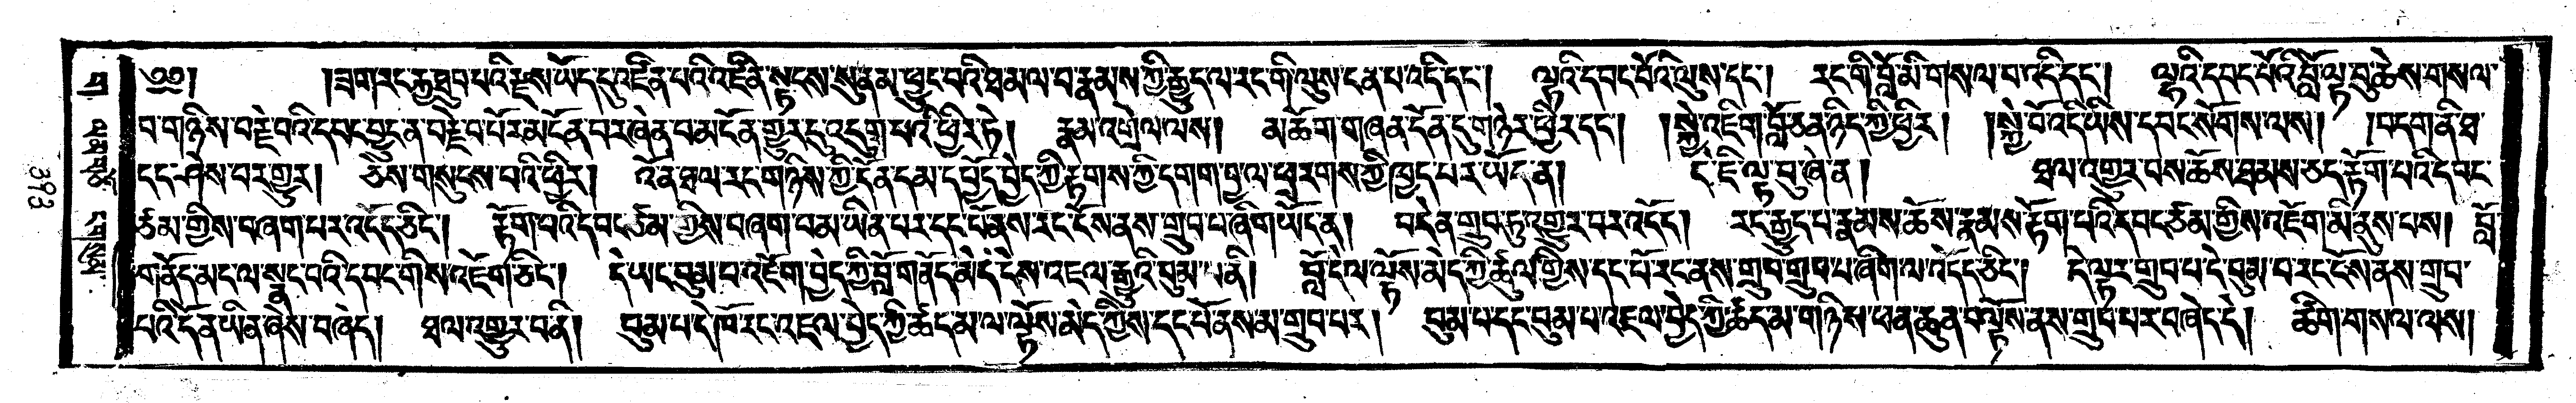༄༅། །ཟག་རང་རྐྱ་ཐུབ་པའི་རྫས་ཡོད་དུ་འཛིན་པའི་འཛིན་སྟངས་སུན་མ་ཕྱུང་བའི་ཐ་མལ་བ་རྣམས་ཀྱི་རྒྱུད་ལ་རང་གི་ལུས་ངན་པ་འདི་དང་། ལྟའི་དབང་པོའི་ལུས་དང་། རང་གི་བློ་མི་གསལ་བ་འདི་དང་། ལྷའི་དབང་པོའི་བློ་ལྟ་བུ་ཆེས་གསལ་
བ་གཉིས་བརྗེ་བའི་དབང་བྱུང་ན་བརྗེ་བ་པོར་མངོན་པར་ཞེན་པ་མངོན་གྱུར་དུ་འདུག་པའི་ཕྱིར་ཏེ། རྣམ་འགྲེལ་ལས། མཆོག་གཞན་དོན་དུ་གཉེར་ཕྱིར་དང་། །སྐྱེ་འཇིག་བློ་ཅན་ཉིད་ཀྱི་ཕྱིར། །སྐྱེ་བོ་འདི་ཡིས་དབང་སོགས་ལས། །བདག་ནི་ཐ་
དད་ཤེས་པར་གྱུར། ཅེས་གསུངས་པའི་ཕྱིར། འོ་ན་ཐལ་རང་གཉིས་ཀྱི་དོན་དམ་དཔྱོད་བྱེད་ཀྱི་རྟགས་ཀྱི་དགག་བྱ་ལ་ཕྲ་རགས་ཀྱི་ཁྱད་པར་ཡོད་ན། དེ་ཇི་ལྟ་བུ་ཞེ་ན། ཐལ་འགྱུར་བས་ཆོས་ཐམས་ཅད་རྟོག་པའི་དབང་
ཙམ་གྱིས་བཞག་པར་འདོད་ཅིང་། རྟོག་པའི་དབང་ཙམ་གྱིས་བཞག་པ་མ་ཡིན་པར་དང་པོ་ནས་རང་ངོས་ནས་གྲུབ་པ་ཞིག་ཡོད་ན། བདེན་གྲུབ་ཏུ་འགྱུར་བར་འདོད། རང་རྒྱུད་པ་རྣམས་ཆོས་རྣམས་རྟོག་པའི་དབང་ཙམ་གྱིས་འཇོག་མི་ནུས་པས། བློ་
གནོད་མང་ལ་སྣང་བའི་དབང་གིས་འཇོག་ཅིང་། དེ་ཡང་བུམ་པ་འཇོག་བྱེད་ཀྱི་བློ་གནོད་མེད་དེས་འཇལ་རྒྱུའི་བུམ་པ་ནི། བློ་དེ་ལ་ལྟོས་མེད་ཀྱི་ཚུལ་གྱིས་དང་པོ་རང་ནས་གྲུབ་གྲུབ་པ་ཞིག་ལ་འདོད་ཅིང་། དེ་ལྟར་གྲུབ་པ་དེ་བུམ་པ་རང་ངོས་ནས་གྲུབ་
པའི་དོན་ཡིན་ཞེས་བཞེད། ཐལ་འགྱུར་བ་ནི། བུམ་པ་དེ་ཁོ་རང་འཇལ་བྱེད་ཀྱི་ཚད་མ་ལ་ལྟོས་མེད་ཀྱིས་དང་པོ་ནས་མ་གྲུབ་པར། བུམ་པ་དང་བུམ་པ་འཇལ་བྱེད་ཀྱི་ཚད་མ་གཉིས་ཕན་ཚུན་བལྟོས་ནས་གྲུབ་པར་བཞེད་དེ། ཚིག་གསལ་ལས།